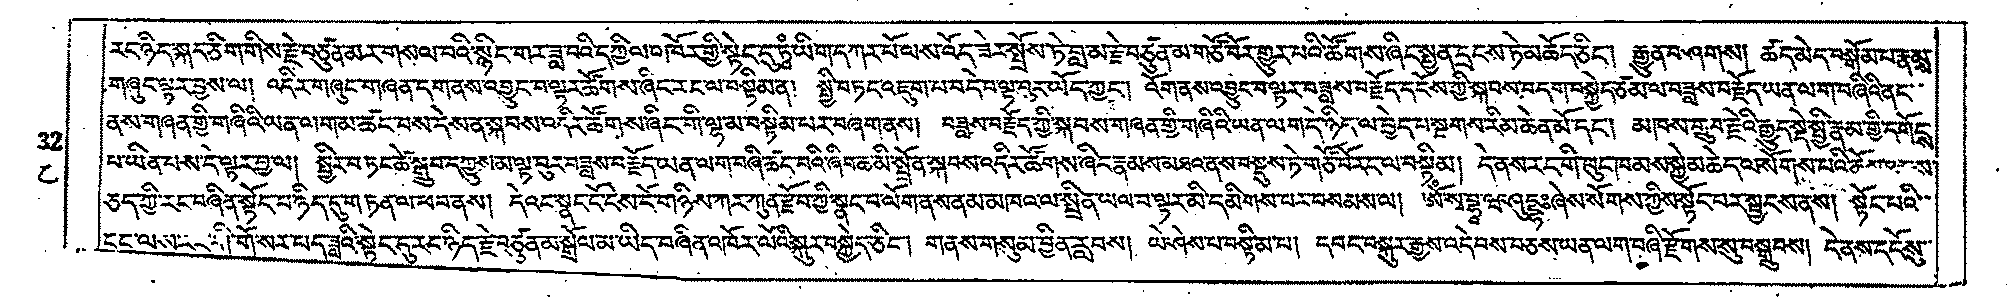རང་ཉིད་སྐད་ཅིག་གིས་རྗེ་བཙུན་མར་གསལ་བའི་སྙིང་གར་ཟླ་བའི་དཀྱིལ་འཁོར་གྱི་སྟེང་དུ་ཏཱཾ་ཡིག་དཀར་པོ་ལས་འོད་ཟེར་སྤྲོས་ཏེ་བླ་མ་རྗེ་བཙུན་མ་གཙོ་བོར་གྱུར་པའི་ཚོགས་ཞིང་སྤྱན་དྲངས་ཏེ་མཆོད་ཅིང་། རྒྱུན་བཤགས། ཚད་མེད་བསྒོམ་པ་རྣམས་
གཞུང་ལྟར་བྱས་ལ། འདིར་གཞུང་གཞན་དག་ནས་འབྱུང་བ་ལྟར་ཚོགས་ཞིང་རང་ལ་བསྟིམ་ན། སྤྱི་བཏང་འཇུག་པ་བདེ་བ་ལྟ་བུར་ཡོད་ཀྱང་། འོག་ནས་འབྱུང་བ་ལྟར་བཟླས་བརྗོད་དངོས་ཀྱི་སྐབས་བདག་བསྐྱེད་ཙམ་ལ་བཟླས་བརྗོད་ཡན་ལག་བཞིའི་ནང་་་
ནས་གཞན་གྱི་གཞིའི་ཡན་ལག་མ་ཚང་བས་དེས་ན་སྐབས་འདིར་ཚོགས་ཞིང་གི་ལྷ་མ་བསྟིམ་པར་བཞག་ནས། བཟླས་བརྗོད་ཀྱི་སྐབས་གཞན་གྱི་གཞིའི་ཡན་ལག་དེ་ཉིད་ལ་བྱེད་པ་སྔགས་རིམ་ཆེན་མོ་དང་། མཁས་གྲུབ་རྗེའི་རྒྱུད་སྡེ་སྤྱི་རྣམ་གྱི་དགོངས་
པ་ཡིན་པས་དེ་ལྟར་བྱ་ལ། སྤྱིར་བཏང་ཚེ་སྒྲུབ་དཀྱུས་མ་ལྟ་བུར་བཟླས་བརྗོད་ཡན་ལག་བཞི་ཚང་བའི་ཞིབ་ཆ་མི་སྤྲོ་ན་སྐབས་འདིར་ཚོགས་ཞིང་རྣམས་མཐའ་ནས་བསྡུས་ཏེ་གཙོ་བོ་རང་ལ་བསྟིམ། དེ་ནས་རང་གི་ཕུང་ཁམས་སྐྱེ་མཆེད་ལ་སོགས་པའི་ཆོས་རྣམས?
ཅད་ཀྱི་རང་བཞིན་སྟོང་པ་ཉིད་དུ་གཏན་ལ་ཕབ་ནས། དེའང་སྣང་ངོ་ངེས་ངོ་གཉིས་ཀར་ཀུན་རྫོབ་ཀྱི་སྣང་བ་ལོག་ནས་ནམ་མཁའ་ལ་སྤྲིན་ཡལ་བ་ལྟར་མི་དམིགས་པར་བསམས་ལ། ཨོཾ་སྭ་བྷཱ་ཝ་ཤུདྡྷཿ ཞེས་སོགས་ཀྱིས་སྟོང་པར་སྦྱངས་ནས། སྟོང་པའི་
ངང་ལས་རང་གི་གོ་སར་པད་ཟླའི་སྟེང་དུ་རང་ཉིད་རྗེ་བཙུན་མ་སྒྲོལ་མ་ཡིད་བཞིན་འཁོར་ལོའི་སྐུར་བསྐྱེད་ཅིང་། གནས་གསུམ་བྱིན་རླབས། ཡེ་ཤེས་པ་བསྟི་མ་པ། དབང་བསྐུར་རྒྱས་འདེབས་བཅས་ཡན་ལག་བཞི་རྫོགས་སུ་བསྒྲུབས། དེ་ནས་དངོས་སུ་་་